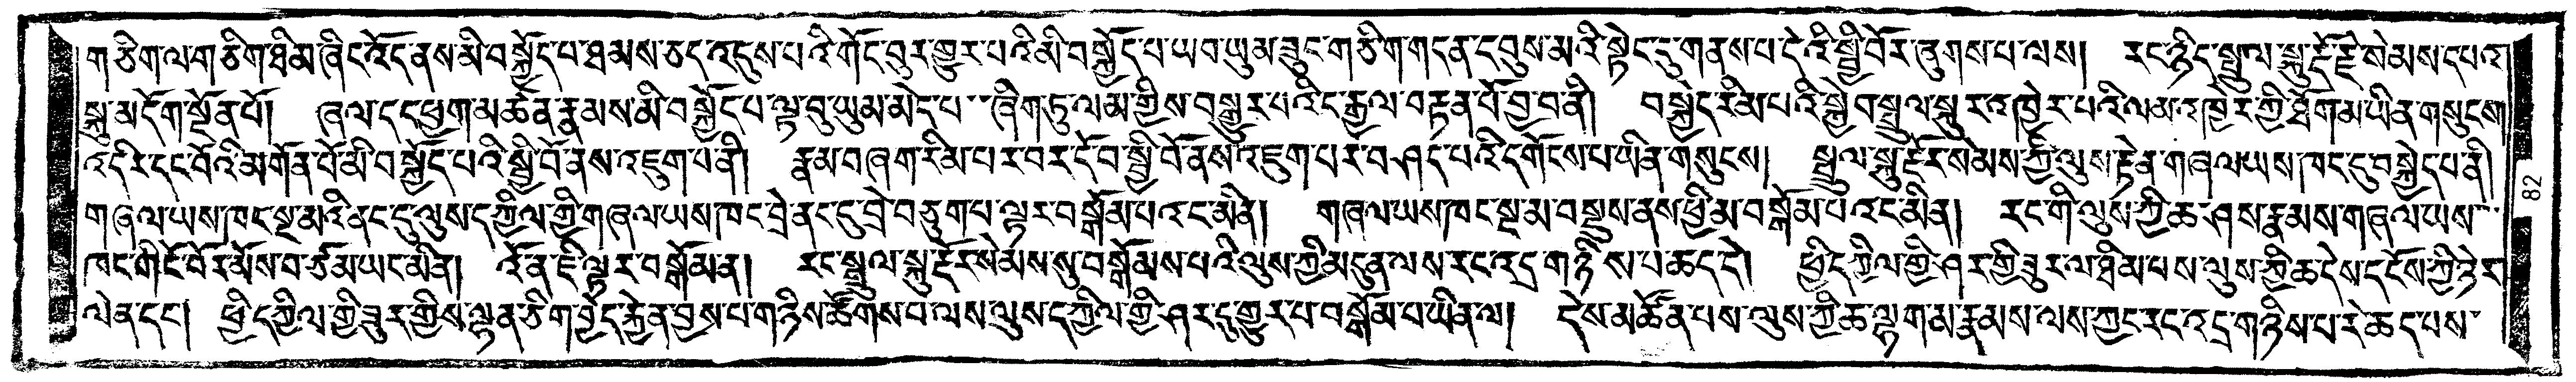གཅིག་ལ་གཅིག་ཐིམ་ཞིང་འོད་ནས་མི་བསྐྱོད་པ་ཐམས་ཅད་འདུས་པའི་གོང་བུར་གྱུར་པའི་མི་བསྐྱོད་པ་ཡབ་ཡུམ་ཟུང་གཅིག་གདན་དབུས་མའི་སྟེང་དུ་གནས་པ་དེའི་སྤྱི་བོར་ཞུགས་པ་ལས། རང་ཉིད་སྤྲུལ་སྐུ་རྡོ་རྗེ་སེམས་དཔའ་
སྐུ་མདོག་སྔོན་པོ། ཞལ་དང་ཕྱག་མཚན་རྣམས་མི་བསྐྱོད་པ་ལྟ་བུ་ཡུམ་མེད་པ་ཞིག་ཏུ་ལམ་གྱིས་བསྒྱུར་པའི་ང་རྒྱལ་བརྟན་པོ་བྱ་བ་ནི། བསྐྱེད་རིམ་པའི་སྐྱེ་བ་སྤྲུལ་སྐུར་འཁྱེར་པའི་ལམ་འཁྱེར་ཀྱི་ཐོག་མ་ཡིན་གསུངས།
འདིར་དང་པོའི་མགོན་པོ་མི་བསྐྱོད་པའི་སྤྱི་བོ་ནས་འཇུག་པ་ནི། རྣམ་བཞག་རིམ་པར་བར་དོ་བ་སྤྱི་བོ་ནས་འཇུག་པར་བཤད་པའི་དགོངས་པ་ཡིན་གསུངས། སྤྲུལ་སྐུ་རྡོར་སེམས་ཀྱི་ལུས་རྟེན་གཞལ་ཡས་ཁང་དུ་བསྐྱེད་པ་ནི།
གཞལ་ཡས་ཁང་སྔ་མའི་ནང་དུ་ལུས་དཀྱིལ་གྱི་གཞལ་ཡས་ཁང་བྲེ་ནང་དུ་བྲེ་བཅུག་པ་ལྟར་བསྒོམ་པའང་མིན། གཞལ་ཡས་ཁང་སྔ་མ་བསྡུས་ནས་ཕྱི་མ་བསྒོམ་པའང་མིན། རང་གི་ལུས་ཀྱི་ཆ་ཤས་རྣམས་གཞལ་ཡས་
ཁང་གི་ངོ་བོར་མོས་བ་ཙམ་ཡང་མིན། འོ་ན་ཇི་ལྟར་བསྒོམ་ན། རང་སྤྲུལ་སྐུ་རྡོར་སེམས་སུ་བསྒོམས་པའི་ལུས་ཀྱི་མདུན་ལས་རང་འདྲ་གཉིས་པ་ཆད་དེ། ཕྱི་དཀྱིལ་གྱི་ཤར་གྱི་ཟུར་ལ་ཐིམ་པས་ལུས་ཀྱི་ཆ་དེས་དངོས་ཀྱི་ཉེར་
ལེན་དང་། ཕྱི་དཀྱིལ་གྱི་ཟུར་གྱིས་ལྷན་ཅིག་བྱེད་རྐྱེན་བྱས་པ་གཉིས་ཚོགས་པ་ལས་ལུས་དཀྱིལ་གྱི་ཤར་དུ་གྱུར་པ་བསྒོམ་པ་ཡིན་ལ། དེས་མཚོན་པས་ལུས་ཀྱི་ཆ་ལྷག་མ་རྣམས་ལས་ཀྱང་རང་འདྲ་གཉིས་པ་རེ་ཆད་པས་